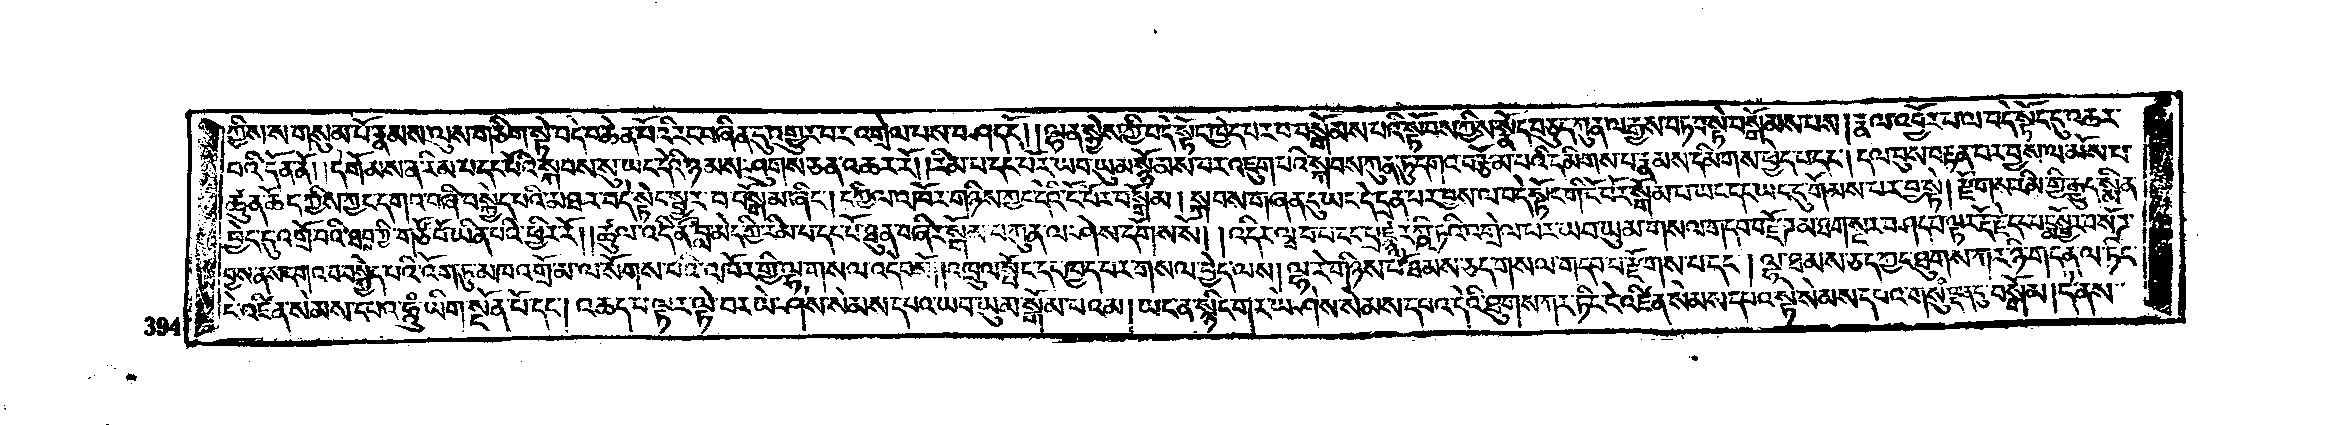ཀྱིས་ས་གསུམ་པོ་རྣམས་ལུས་གཅིག་སྟེ་བདེ་བ་ཆེན་པོའི་རང་བཞིན་དུ་འགྱུར་བར་འགྲེལ་པས་བཤད་དོ། །ལྷན་སྐྱེས་ཀྱི་བདེ་སྟོང་ཁྱད་པར་བསྒོམས་པའི་སྟོབས་ཀྱིས་སྣོད་བཅུད་ཀུན་ལ་རྒྱས་བཏབ་སྟེ་བསྒོམས་པས། རྣལ་འབྱོར་པ་ལ་བདེ་སྟོང་དུ་འཆར་
བའི་དོན་ནོ། །དེ་གོམས་ན་རིམ་པ་དང་པོའི་སྐབས་སུ་ཡང་དེའི་ཉམས་ཤུགས་ཅན་འཆར་རོ། །རིམ་པ་དང་པོར་ཡབ་ཡུམ་སྙོམས་པར་འཇུག་པའི་སྐབས་ཀུན་ཏུ་དགའ་བ་རྩོམ་པའི་དམིགས་པ་རྣམས་དམིགས་ཕྱེད་པ་དང་། དལ་བུས་བརྟན་པར་བྱས་ལ་མོས་པ་
ཚུན་ཆོད་ཀྱིས་ཀྱང་དགའ་བཞི་བསྐྱེད་པའི་མཐར་བདེ་སྟོང་སྦྱར་བ་བསྒོམ་ཞིང་། དཀྱིལ་འཁོར་གཉིས་ཀྱང་དེའི་ངོ་བོར་བསྒོམ། སྐབས་གཞན་དུ་ཡང་དེ་དྲན་པར་བྱས་ལ་བདེ་སྟོང་གི་ངོ་བོར་སྒོམ་པ་ཡང་དང་ཡང་དུ་གོམས་པར་བྱ་སྟེ། རྫོགས་རིམ་གྱི་རྒྱུད་སྨིན་
བྱེད་དུ་འགྲོ་བའི་ཐབས་ཀྱི་གཙོ་བོ་ཡིན་པའི་ཕྱིར་རོ། །ཚུལ་འདི་ནི་བླ་མེད་ཀྱི་རིམ་པ་དང་པོ་ཐུན་བཞིར་སྒོམ་པ་ཀུན་ལ་ཤེས་དགོས་སོ། །འདིར་ལྭ་བ་པ་དང་པྲཛྙཱ་རཀྵི་ཏའི་འགྲེལ་པར་ཡབ་ཡུམ་གསལ་གདབ་པ་རྫོགས་མ་ཐག་སྔར་བཤད་པ་ལྟར་རྡོ་རྗེ་དང་པདམ་སྦྱོར་བ་སོགས་
བྱས་ནས་དགའ་བ་བསྐྱེད་པའི་འོག་ཏུ་མཁའ་འགྲོ་མ་ལ་སོགས་པའི་འཁོར་གྱི་ལྷ་གསལ་འདེབས་སོ། །འཁྲུལ་སྤོང་དང་ཁྱད་པར་གསལ་བྱེད་ལས། ལྷ་རེ་གཉིས་པོ་ཐམས་ཅད་གསལ་གདབ་པ་རྫོགས་པ་དང་། ལྷ་ཐམས་ཅད་ཀྱང་ཐུགས་ཀར་ཉི་གདན་ལ་ཏིང་
ངེ་འཛིན་སེམས་དཔའ་ཧཱུཾ་ཡིག་སྔོན་པོ་དང་། འཆད་པ་ལྟར་ལྟེ་བར་ཡེ་ཤེས་སེམས་དཔའ་ཡབ་ཡུམ་སྒོམ་པའམ། ཡང་ན་སྙིང་གར་ཡེ་ཤེས་སེམས་དཔའ་དེའི་ཐུགས་ཀར་ཏིང་ངེ་འཛིན་སེམས་དཔའ་སྟེ་སེམས་དཔའ་གསུམ་ལྡན་དུ་བསྒོམ། དེ་ནས་